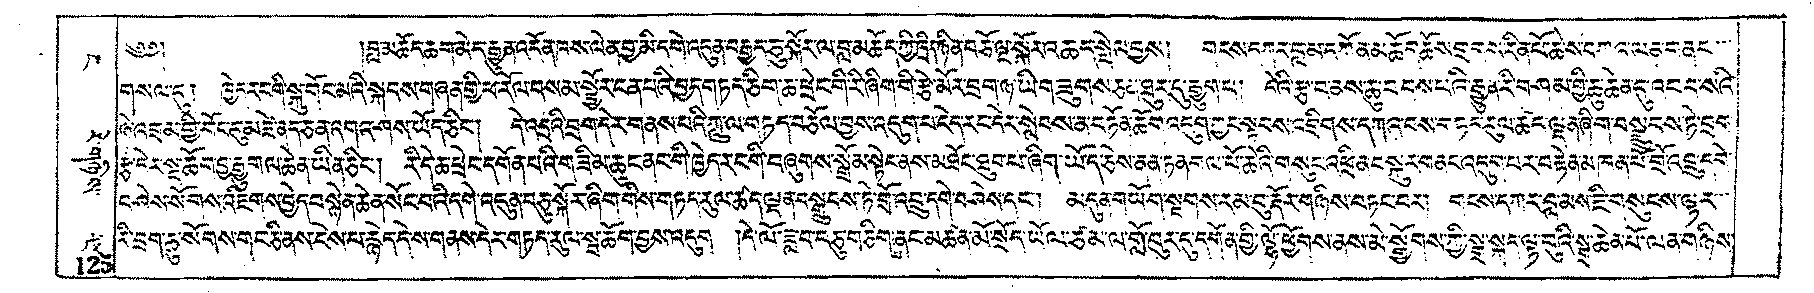༄༅། །བླ་མཆོད་ཆག་མེད་རྒྱུན་འདོན་ཁས་ལེན་བྱ་མི་དགེ་འདུན་བརྒྱད་ཅུ་སྐོར་ལ་བླ་མཆོད་ཀྱི་ཁྲིད་ཉིན་བཅོ་ལྔ་སྐོར་འཆད་སྤེལ་བྱས། གངས་དཀར་བླ་མ་དཀོན་མཆོག་ཆོས་གྲགས་རིན་པོ་ཆེས་བཀའ་ལན་གནང་
གསལ་དུ། ཁྱེད་རང་གི་སྐུ་གོང་མའི་སྐབས་གཞན་གྱི་ཕ་རོལ་བསམ་སྦྱོར་ངན་པའི་བྱད་གཏད་ཅིག་ཆ་ཕྲེང་གི་རི་ཞིག་གི་རྩེ་མོར་བྲག་ཉ་ཡི་གཟུགས་ཅན་ཐུར་དུ་རྒྱུག་པ། དེའི་རྩ་བ་ནས་ཆུ་བབས་པའི་རྒྱུན་རི་གཤམ་གྱི་ཆུ་ཆེན་དུ་འབབ་སའི་
ཉེ་འགྲམ་གྱི་གོང་དུ་མཛེ་ནད་ཅན་འགའ་ཤས་ཡོད་ཅིང་། དེ་འདྲའི་བྲག་དེར་གནས་པའི་ཀླུ་ལ་གཏད་བཅོལ་བྱས་འདུག་པ་ངེད་རང་དེར་སླེབས་ན་བཏོན་ཆོག་འདུག་ཀྱང་སྟབས་འགྲིགས་དཀའ་བས་གཏད་རུལ་ཚད་ལྡན་ཞིག་བསྒྲུབས་ཏེ་བྲག་
རྩ་དེར་སྦ་ཆོག་བྱ་རྒྱུ་གལ་ཆེན་ཡིན་ཅིང་། རི་དེ་ཆ་ཕྲེང་དགོན་པའི་གཟིམ་ཆུང་ནང་གི་ཁྱེད་རང་གི་བཞུགས་སྒྲོམ་སྟེང་ནས་མཐོང་ཐུབ་པ་ཞིག་ཡོད་ཅེས་ནན་ཏན་གལ་པོ་ཆེའི་གསུང་འཕྲིན་བསྐུར་གནང་འདུག་པར་བརྟེན་མཁན་པོ་གྲོ་འབྲུ་དགེ་
བཤེས་སོགས་འཇིགས་བྱེད་བསྙེན་ཆེན་སོང་བའི་དགེ་འདུན་བཅུ་སྐོར་ཞིག་གིས་གཏད་རུལ་ཚད་ལྡན་བསྒྲུབས་ཏེ་གྲོ་འབྲུ་དགེ་བཤེས་དང་། མདུན་གཡོག་སྔགས་རམ་བུ་རྡོར་གཉིས་བཏང་བར། གངས་དཀར་བླ་མས་ཇི་གསུངས་ལྟར་
རི་བྲག་ཆུ་སོགས་གང་ཅི་ནས་ངེས་པ་རྙེད་དེ་ས་གནས་དེར་གཏད་རུལ་སྦ་ཆོག་བྱས་འདུག །དེ་ལོ་ཟླ་བ་བཅུ་གཅིག་པ་ནང་མཚན་མོ་སྲོད་ཡོལ་ཙམ་ལ་གློ་བུར་དུ་དགོན་གྱི་ལྷོ་ཕྱོགས་ནས་མེ་སྒྱོགས་ཀྱི་སྒྲ་སྐད་ལྟ་བུའི་སྒྲ་ཆེན་པོ་ལན་གཉིས་